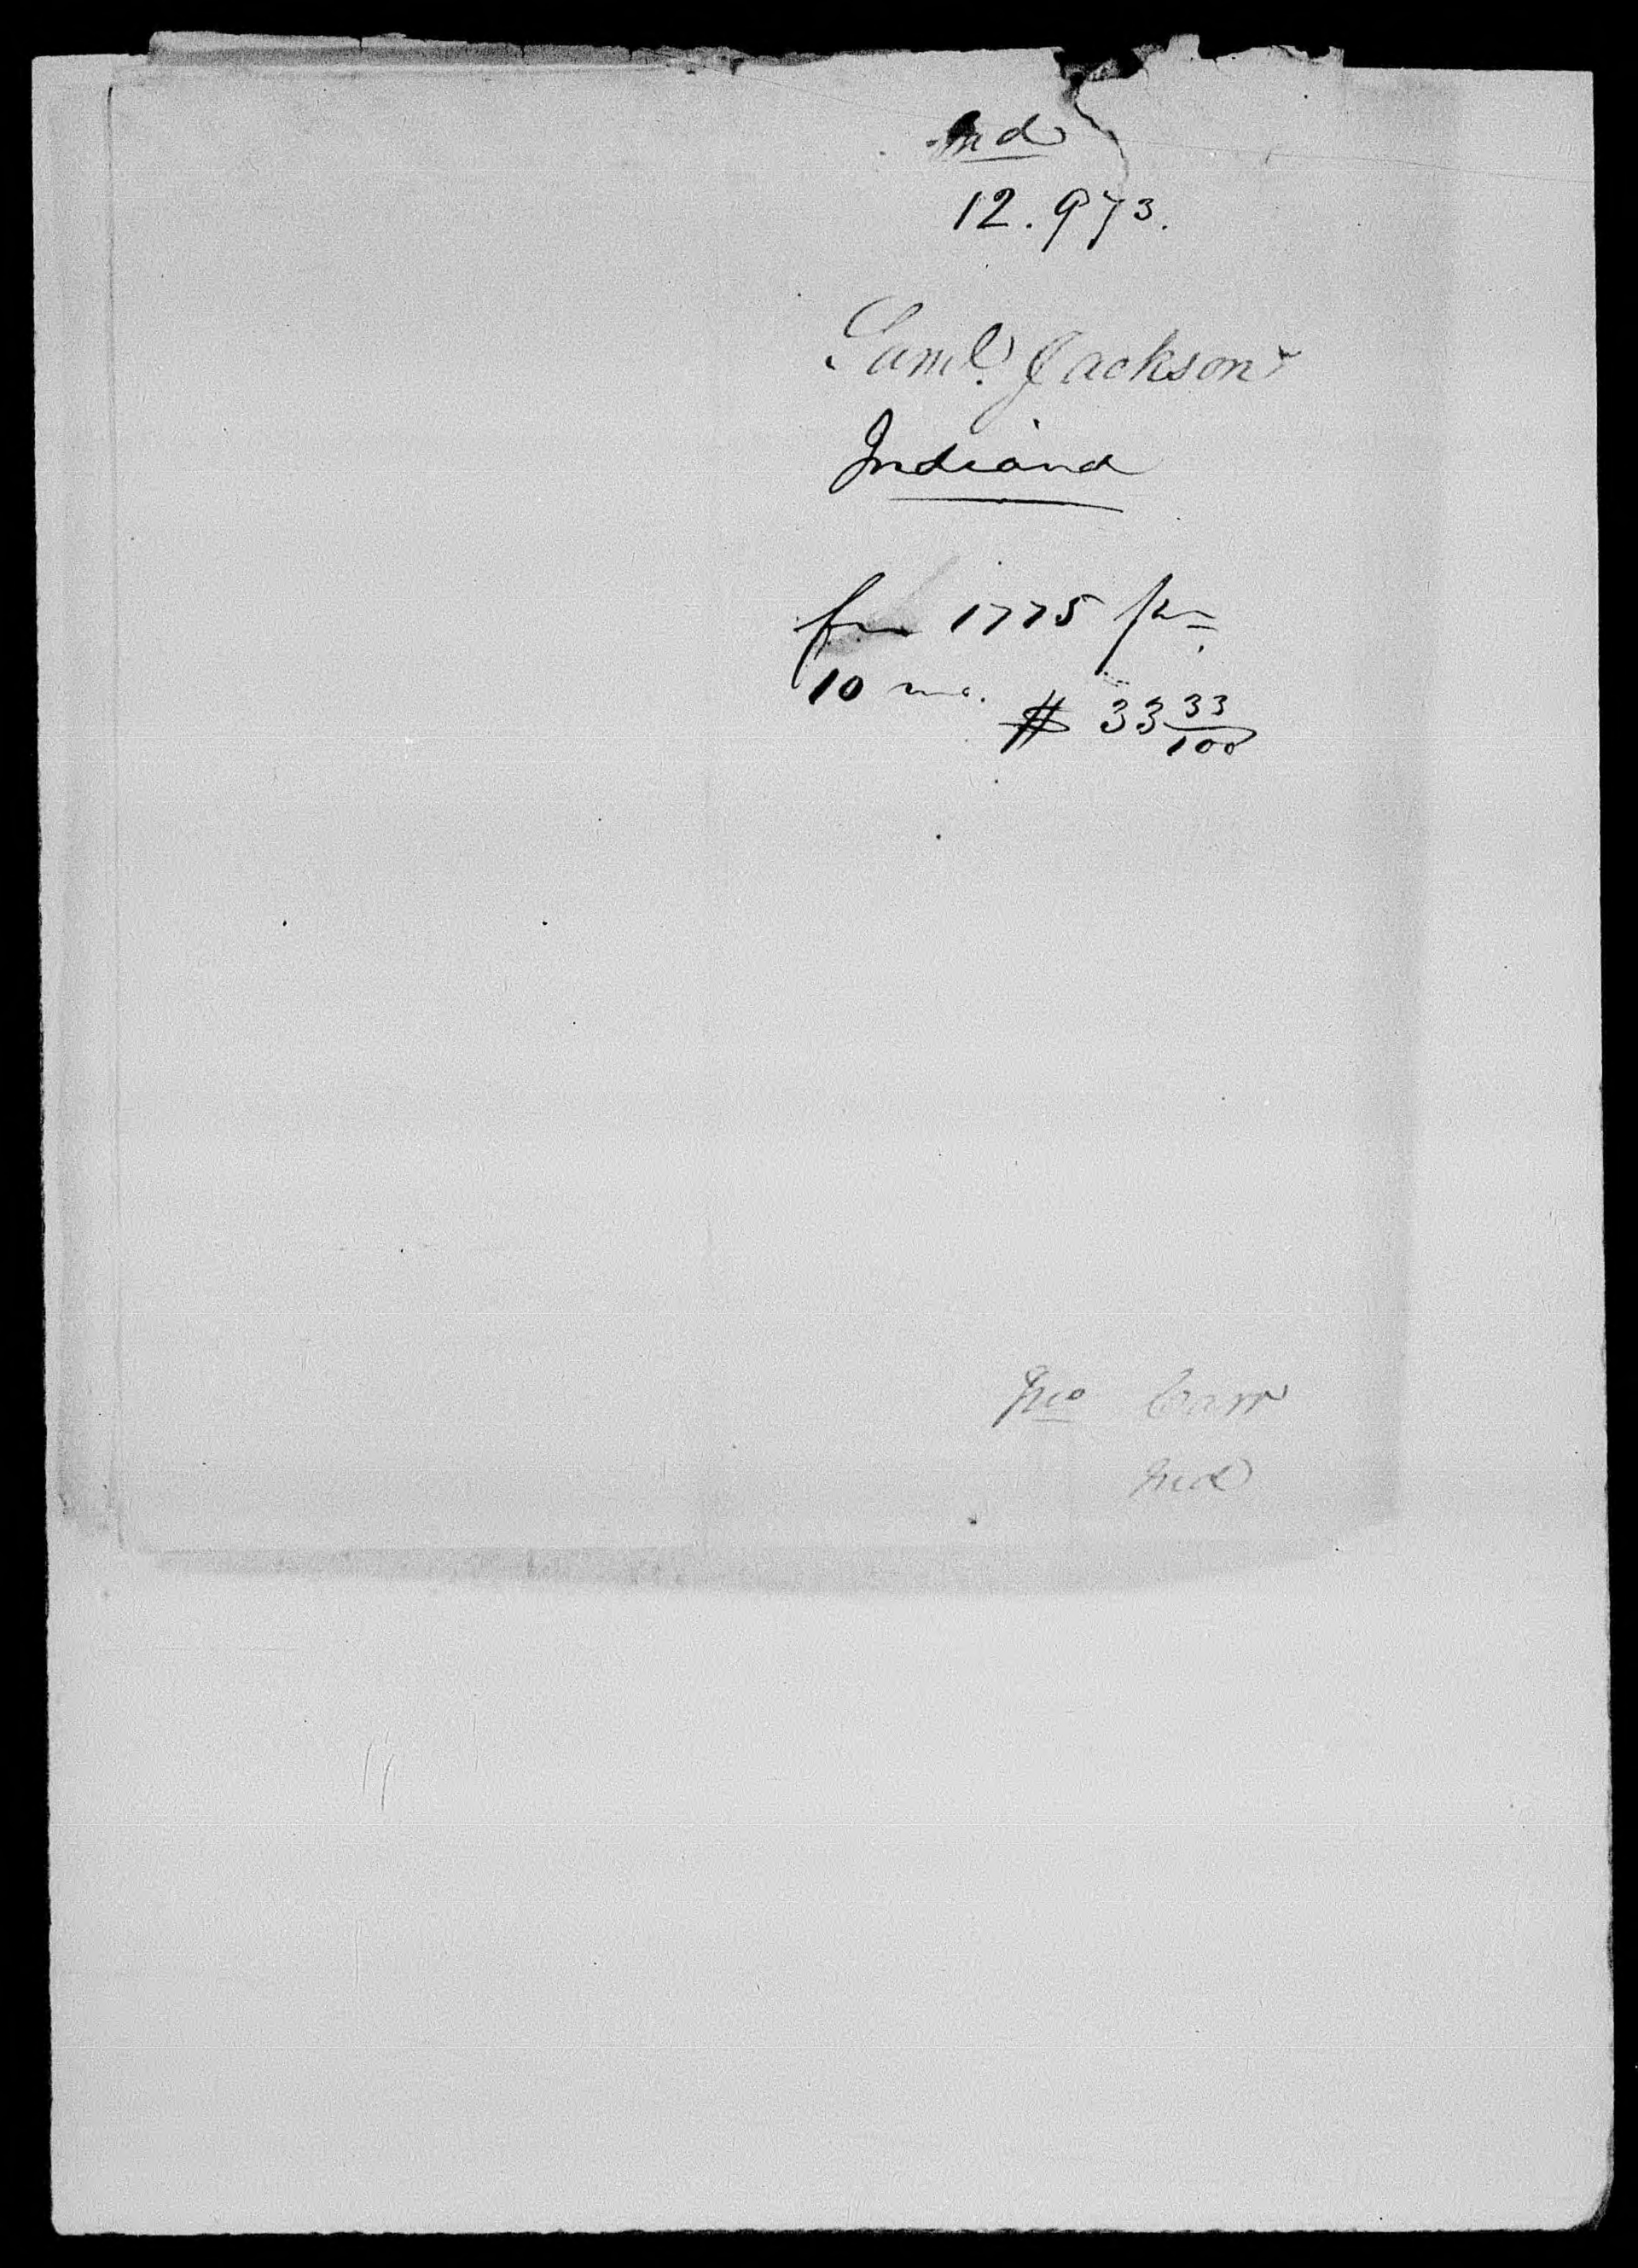Ind
12.973

Saml Jackson
Indiana

for 1775 pr
10 mo $33 33/100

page: 6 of 56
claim: rejected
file: R 5529, for Samuel Jackson, Virginia